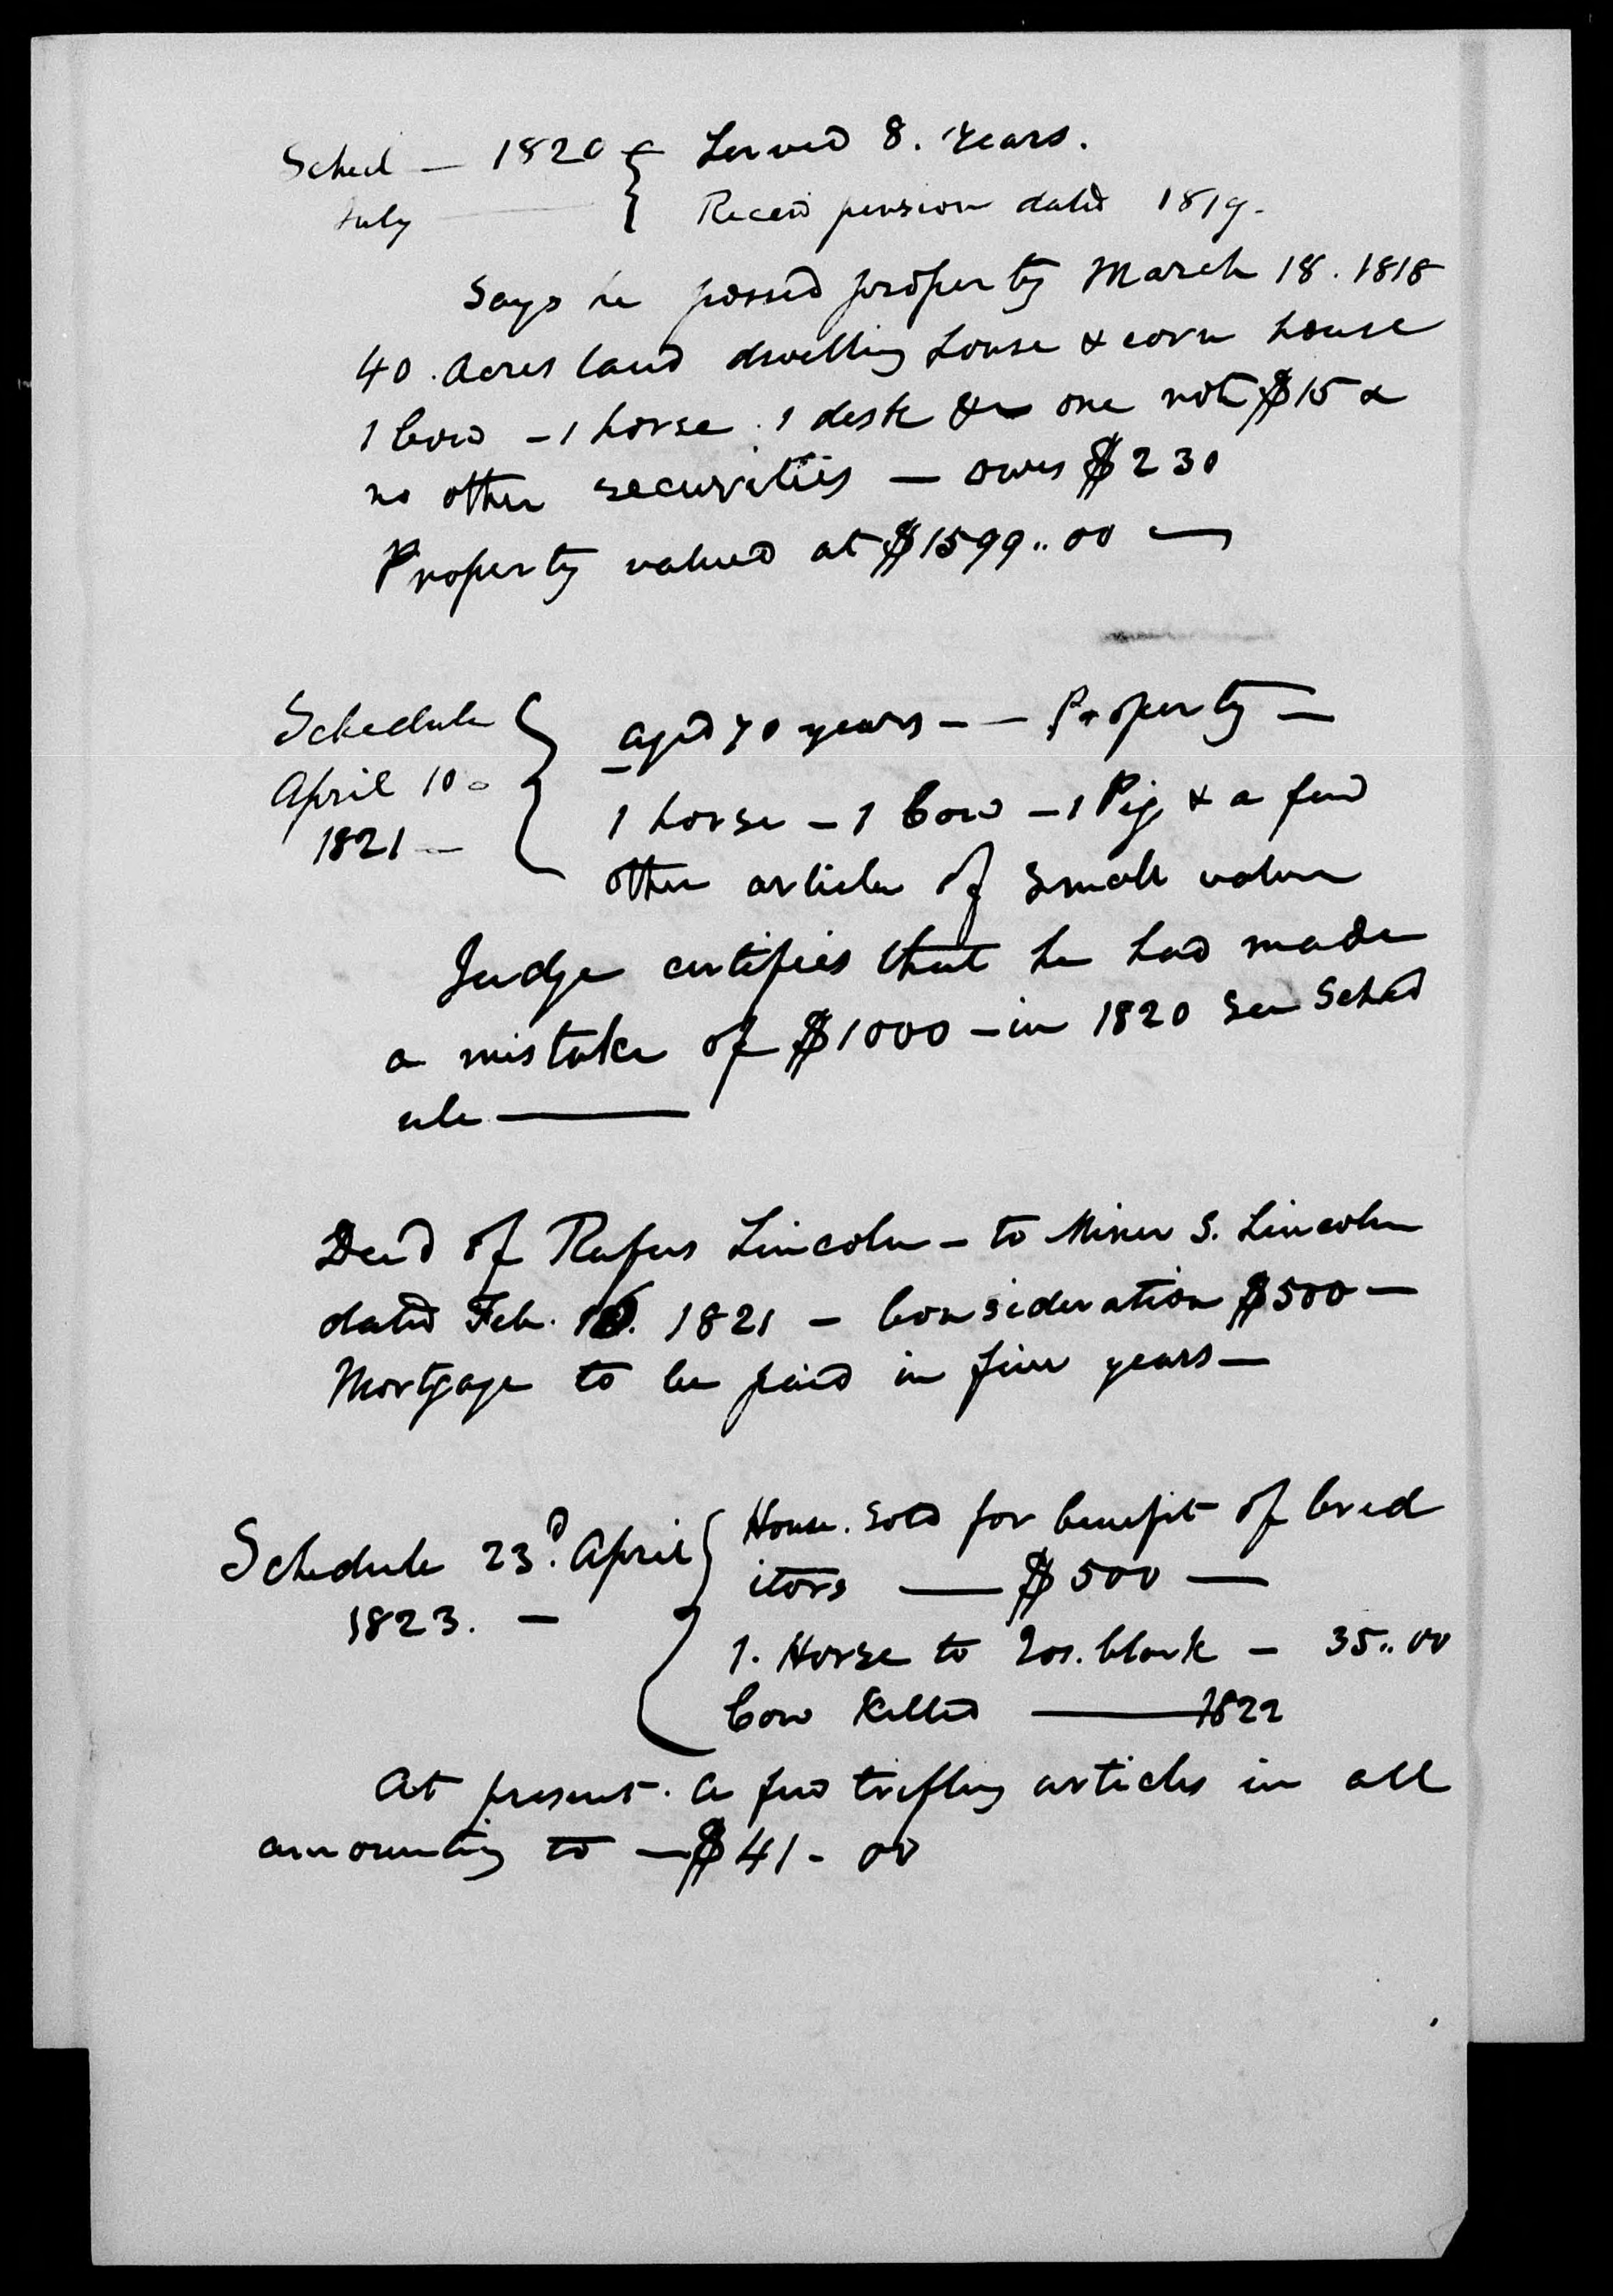Sched-1820} Served 8.  years
July              } Rec'd pension dated 1819

says he possessed property March 18. 1818
40 acres land dwelling house & corn house
1 Cow -1 horse. I desk & one not $15 &
no other securities-- owes $230
Property valued at $1599.00-

Schedule } aged 70 years -- property-
April 10   } 1 horse - 1 cow Pig & a few
1821-      } other article of small value
Judge certifies that he had made
a mistake of $1000.___ in 1820 set schedule

Deed of Rufus Lincoln to Minor S. Lincoln
Feb. 18, 1821. Consideration $500-
Mortgage to be paid in five years-

Schedule 23d } House Sold for benefit of 
  Apri 1823__   }creditors  __$500__
                        } 1. Horse to Jos. Clock - 35.00
                        }   Cow killed _______1822              

At present. A few trifling articles in all
amount to $41. - or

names: Minor S Lincoln; Rufus Lincoln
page: 66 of 82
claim: widow's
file: W. 13,634, for Rufus Lincoln, Massachusetts